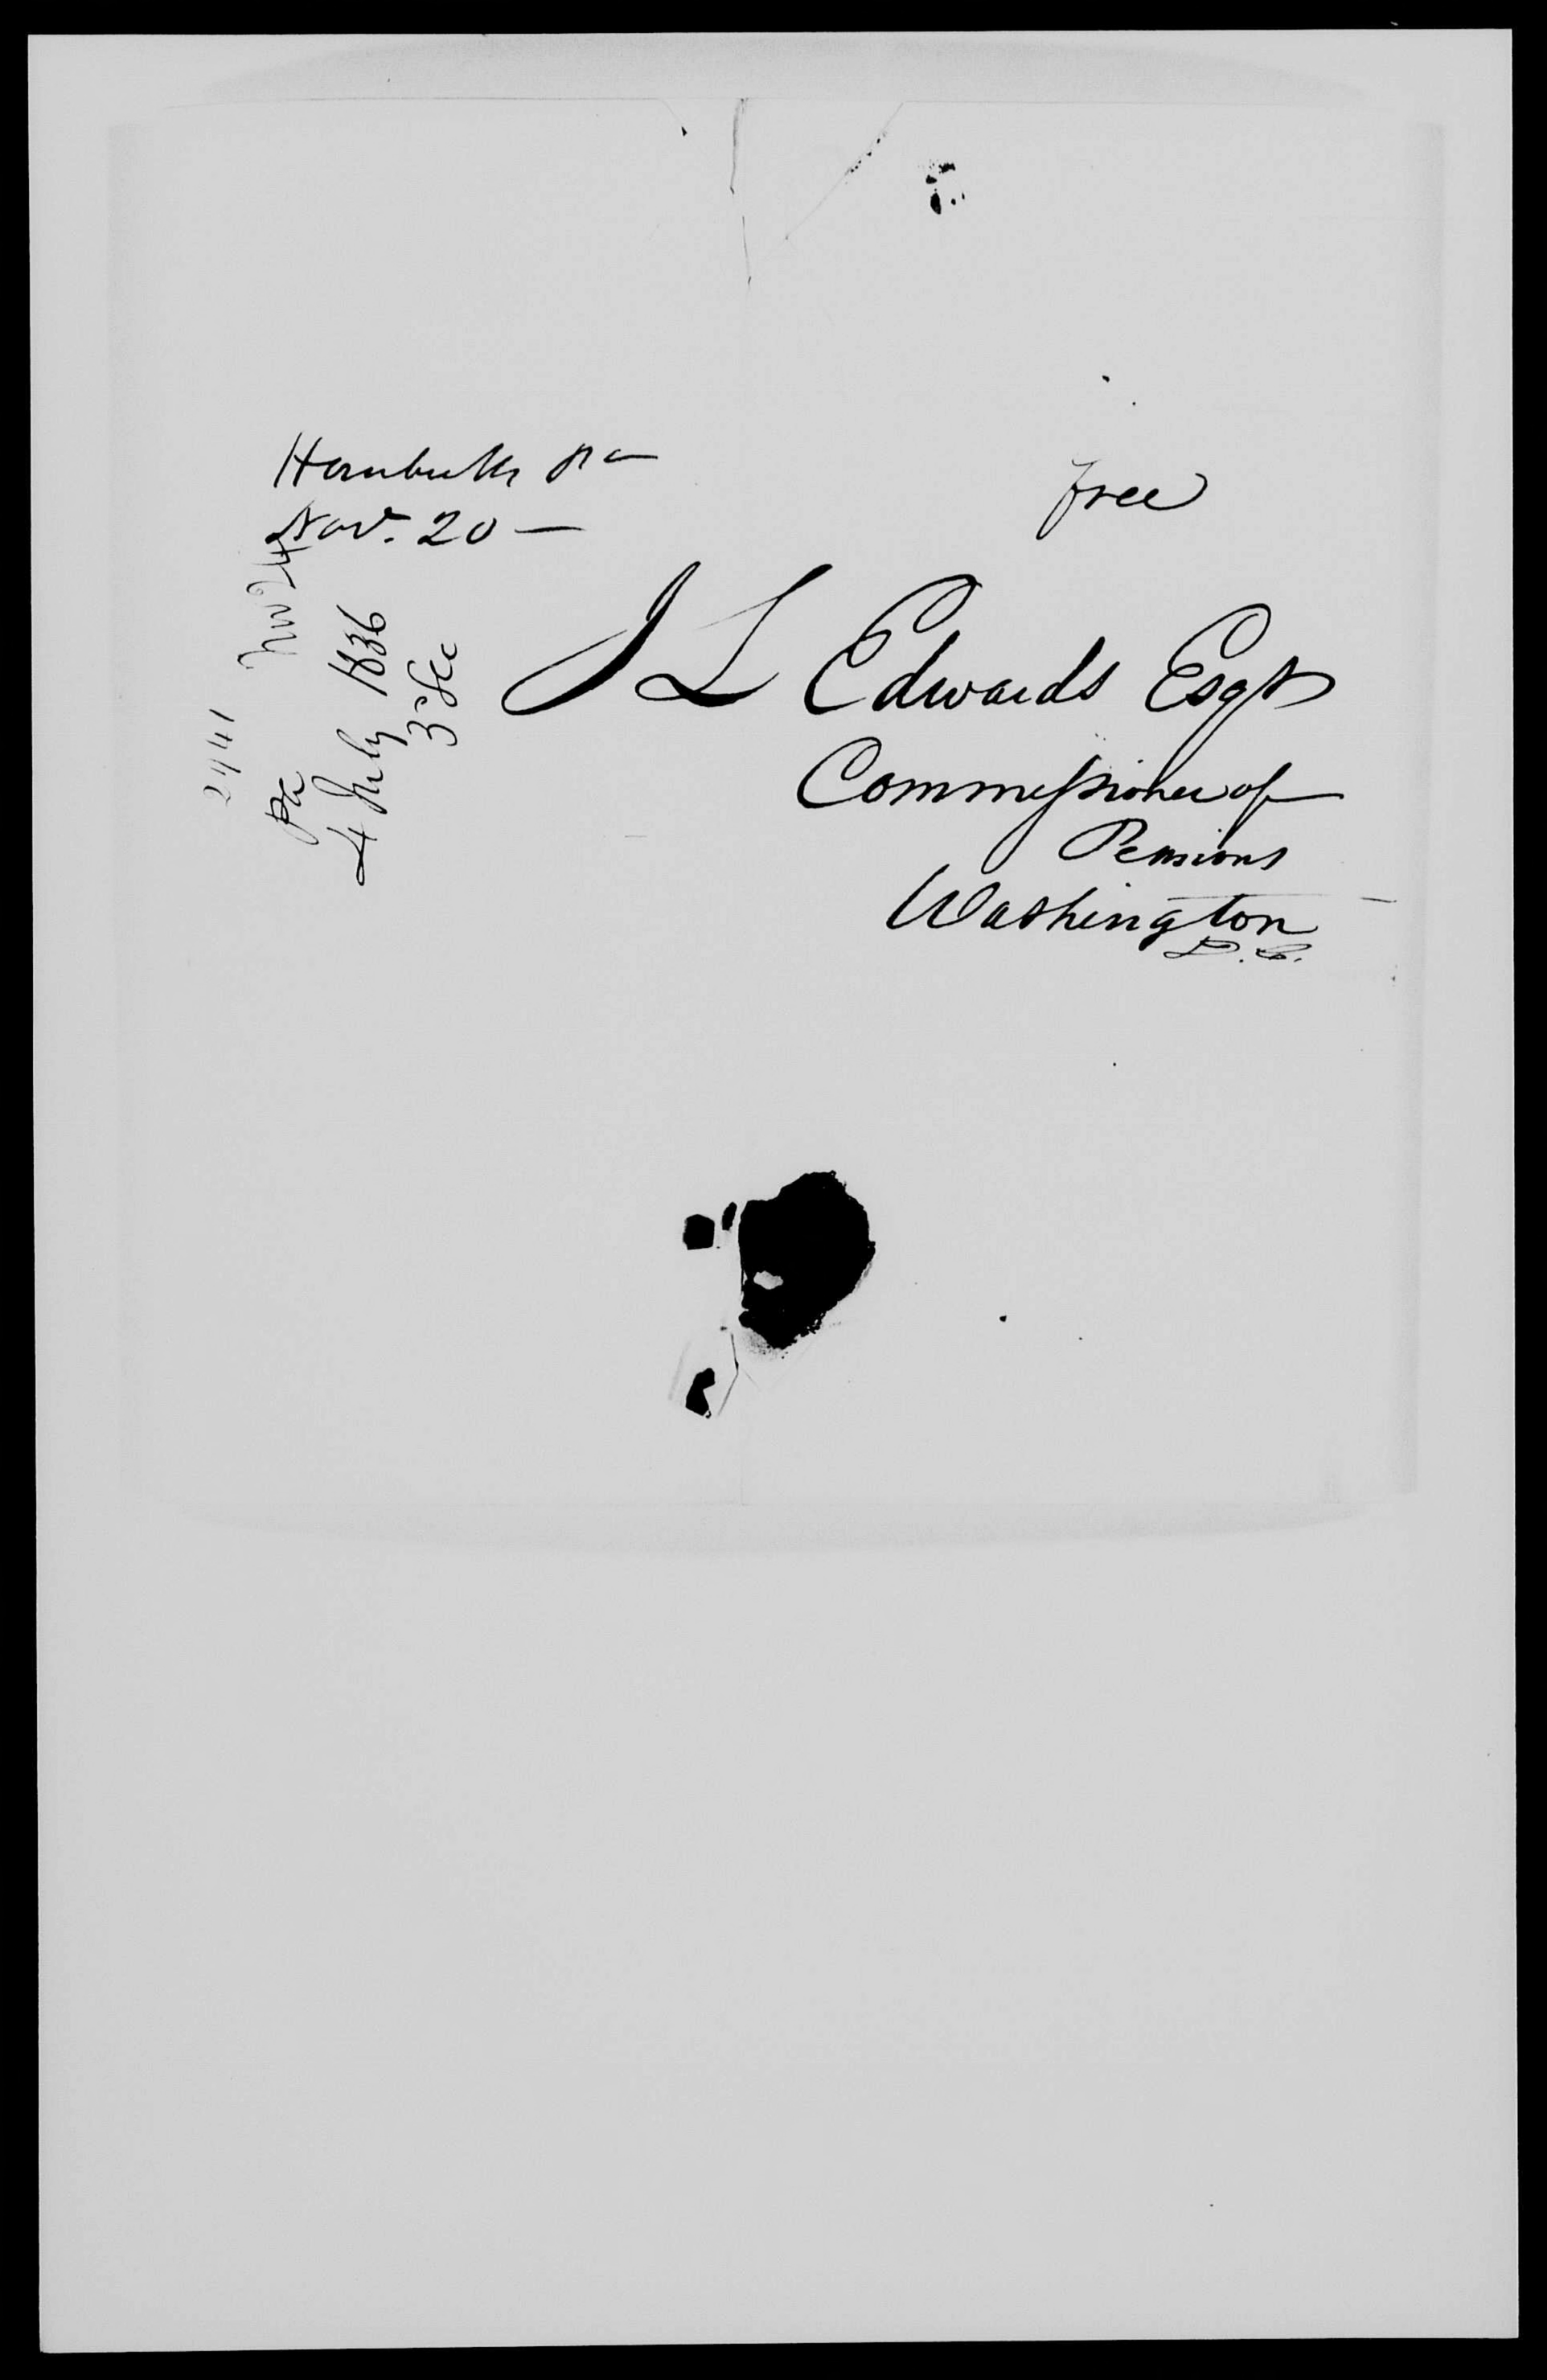1767
4 July 1836
Hambeck
Nov. 20-
free
J L Edwards Esqr
Commissioner of
Pensions
Washington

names: J L Edwards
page: 46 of 79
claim: widow's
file: W. 2,906, Stephen Bennet, Conn.